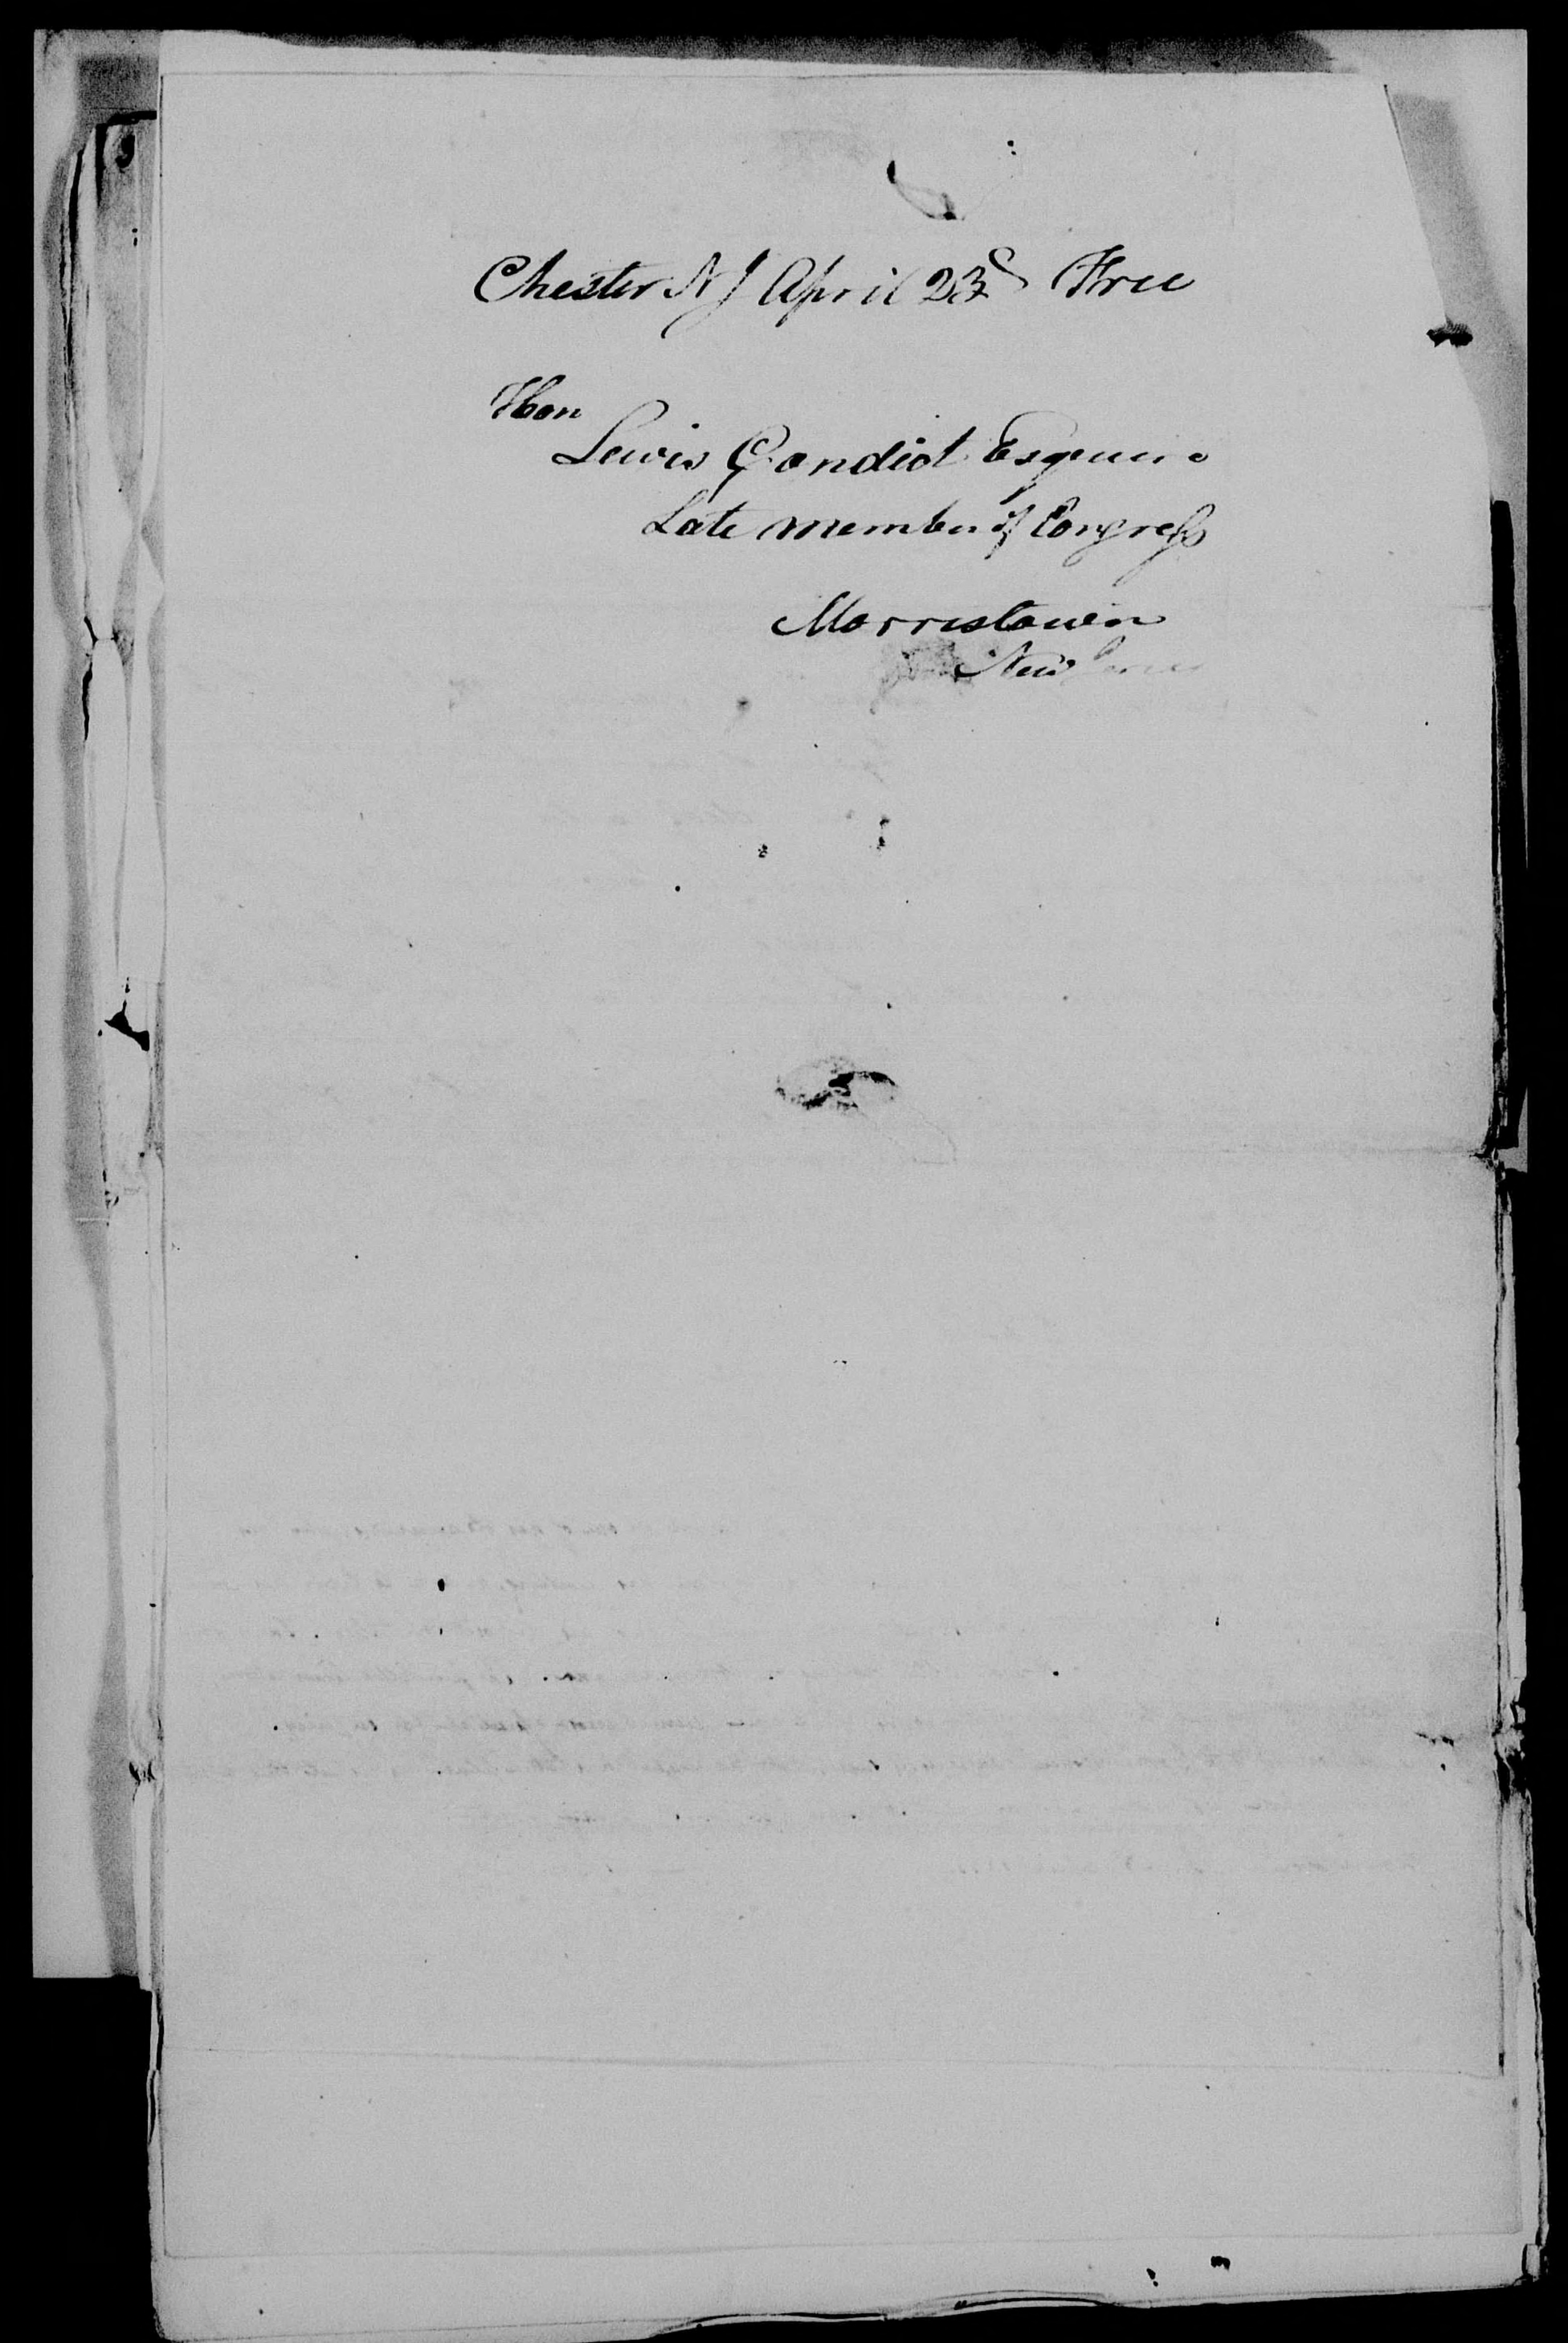Chester NJ April 23rd Free
Lewis Condict Esquire
Late Member of Congress 
Morristown 
New Jersery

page: 14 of 20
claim: survivor's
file: S. 4911, for Daniel Swayze, New Jersey